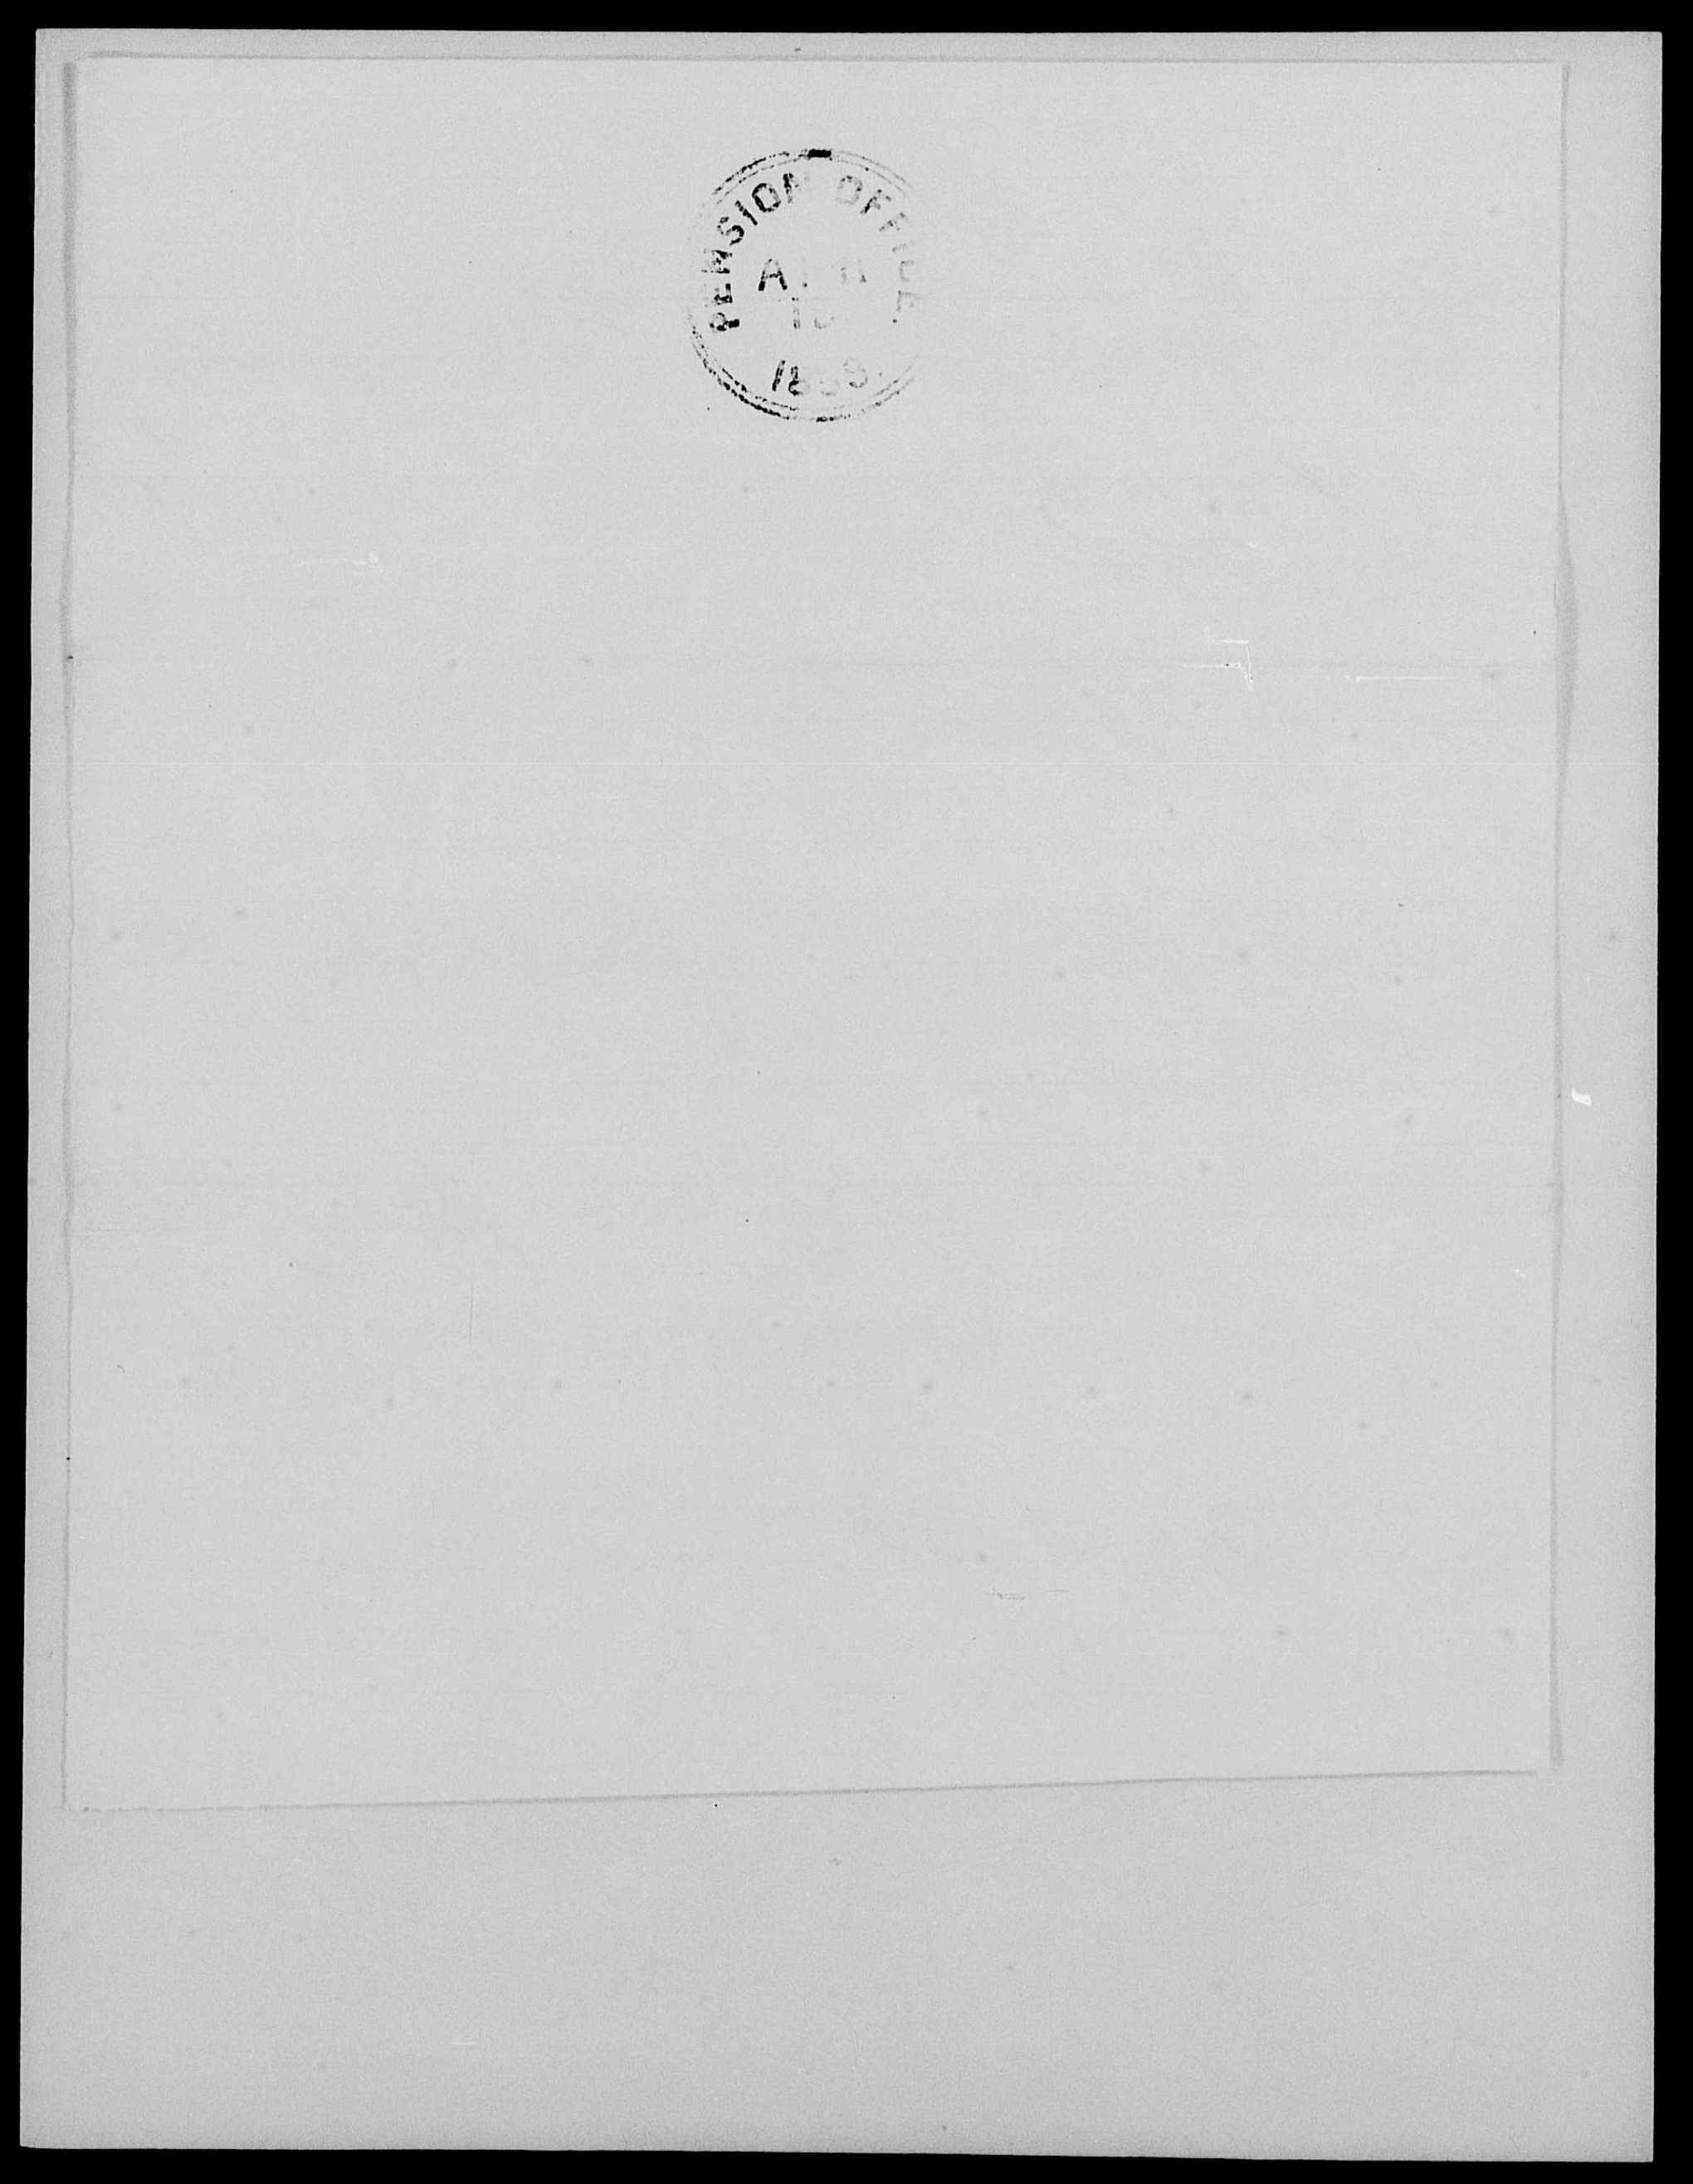[stamped]
PENSION OFFICE.
AUG 1[illegible] 1859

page: 34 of 70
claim: rejected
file: R. 6510, for Israel Luce, New York